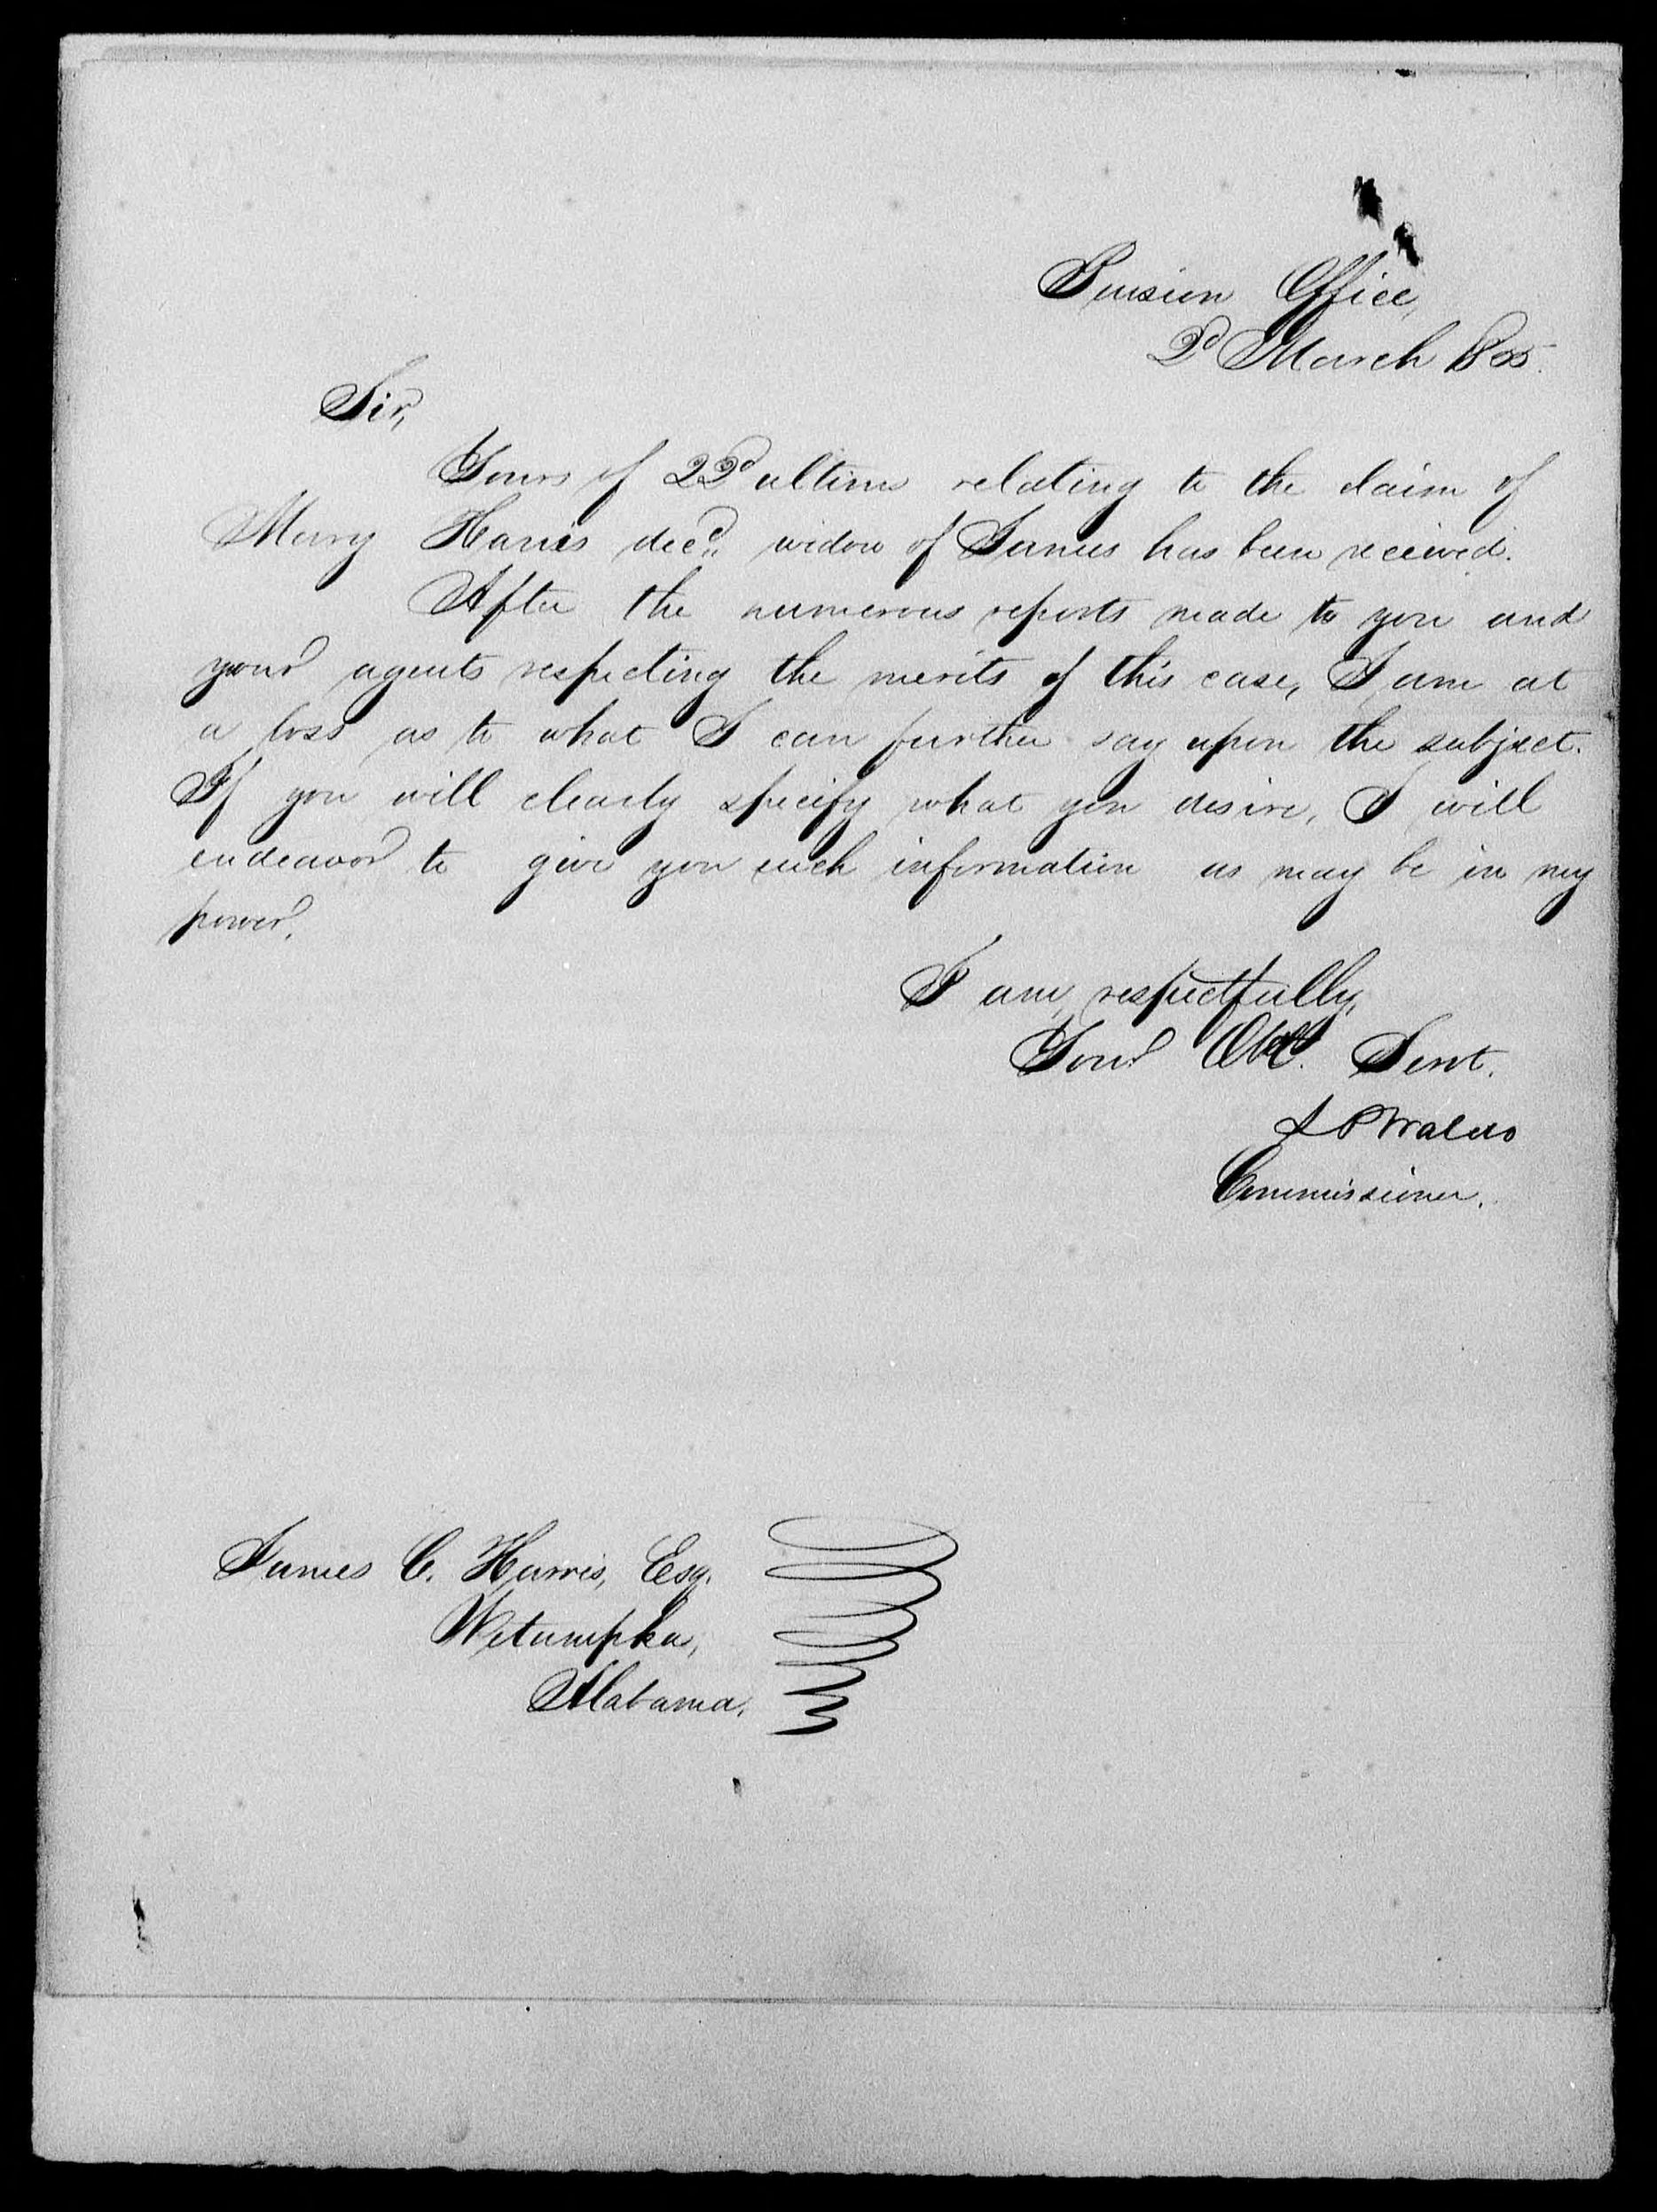Pension Office
2d March 1855

Sir,
   Yours of 22d ultima relating to the claim of Mary Harris, decd. widow of James has been received.
After the numerous reports made to you and your agents respecting the merits of this case, I am at a loss as to what I can further say upon the subject.  If you will clearly specify what you desire, I will endeavor to give you such information as may be in my power.

   I am respectfully,
Your Obt. Servt.
L P Waldo
Commissioner

James C. Harris, Esq.
Wetumpka
Alabama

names: James Harris, L P Waldo, James C Harris, Mary Harris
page: 38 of 160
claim: rejected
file: R. 4666, James Harris, Va.